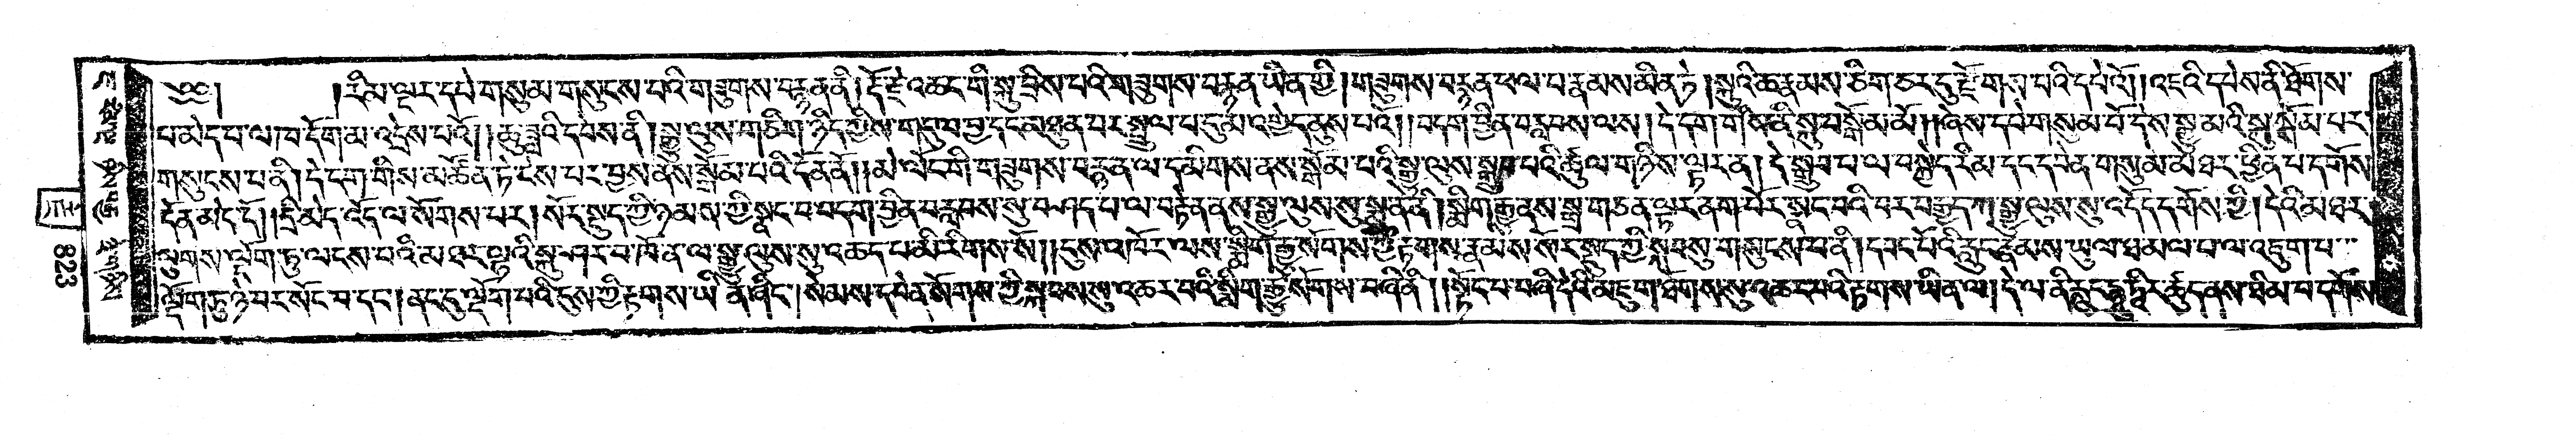༄༅། །རིམ་ལྔར་དཔེ་གསུམ་གསུངས་པའི་གཟུགས་བརྙན་ནི། རྡོ་རྗེ་འཆང་གི་སྐུ་བྲིས་པའི་གཟུགས་བརྙན་ཡིན་གྱི། གཟུགས་བརྙན་ཕལ་པ་རྣམས་མིན་ཏེ། སྐུའི་ཆ་རྣམས་ཅིག་ཅར་དུ་རྫོགས་པའི་དཔེའོ། །འཇའི་དཔས་ནི་ཐོགས་
པ་མེད་པ་ལ་ཁ་དོག་མ་འདྲེས་པའོ། །ཆུ་ཟླའི་དཔེས་ནི། སྒྱུ་ལུས་གཅིག་ཉིད་ཀྱིས་གདུལ་བྱ་དང་མཐུན་པར་སྤྲུལ་པ་དུ་མ་འགྱེད་ནུས་པའོ། །བདག་བྱིན་བརླབས་ལས། དེ་དག་གིས་ནི་སྐུ་བསྒོམ་མོ། །ཞེས་དཔེ་གསུམ་པོ་དེས་སྒྱུ་མའི་སྐུ་སྒོམ་པར་
གསུངས་པ་ནི། དེ་དག་གིས་མཚོན་ཏེ་ངེས་པར་བྱས་ནས་སྒོམ་པའི་དོན་ནོ། །མེ་ལོང་གི་གཟུགས་བརྙན་ལ་དམིགས་ནས་སྒོམ་པའི་སྒྱུ་ལུས་སྒྲུབ་པའི་ཚུལ་གཉིས་ལྟར་ན། དེ་སྒྲུབ་པ་ལ་བསྐྱེད་རིམ་དང་དབེན་གསུམ་མཐར་ཕྱིན་པ་དགོས་
དོན་མེད་དོ། །དྲི་མེད་འོད་ལ་སོགས་པར། སོར་སྡུད་ཀྱི་ཉམས་ཀྱི་སྣང་བ་བདག་བྱིན་བརླབས་སུ་བཤད་པ་ལ་བརྟེན་ནས་སྒྱུ་ལུས་སུ་སྨྲན་ནི། སྨིག་རྒྱུ་ནས་སྒྲ་གཅན་ལྟར་ནག་པོར་སྣང་བའི་བར་བརྒྱད་ཀ་སྒྱུ་ལུས་སུ་འདོད་དགོས་ཀྱི། དེའི་མཐར་
ལུགས་ལྡོག་ཏུ་ལངས་པའི་མཐར་ལྷའི་སྐུ་ཤར་བ་ཁོ་ན་ལ་སྒྱུ་ལུས་སུ་འཆད་པ་མི་རིགས་སོ། །དུས་འཁོར་ལས་སྨིག་རྒྱུ་སོགས་ཀྱི་རྟགས་རྣམས་སོར་སྡུད་ཀྱི་སྐབས་སུ་གསུངས་པ་ནི། དབང་པོའི་རླུང་རྣམས་ཡུལ་ཐ་མལ་པ་ལ་འཇུག་པ་
ལྡོག་ཏུ་ཉེ་བར་སོང་བ་དང་། ནང་དུ་ལྡོག་པའི་དུས་ཀྱི་རྟགས་ཡིན་ཞིང་། སེམས་དབེན་སོགས་ཀྱི་སྐབས་སུ་འཆར་པའི་སྨིག་རྒྱུ་སོགས་བཞི་ནི། །སྟོང་པ་བཞི་དེའི་མཇུག་ཐོགས་སུ་འཆར་བའི་རྟགས་ཡིན་ལ། དེ་ལ་ནི་རླུང་དྷཱུ་ཏཱིར་ཚུད་ནས་ཐིམ་པ་དགོས་